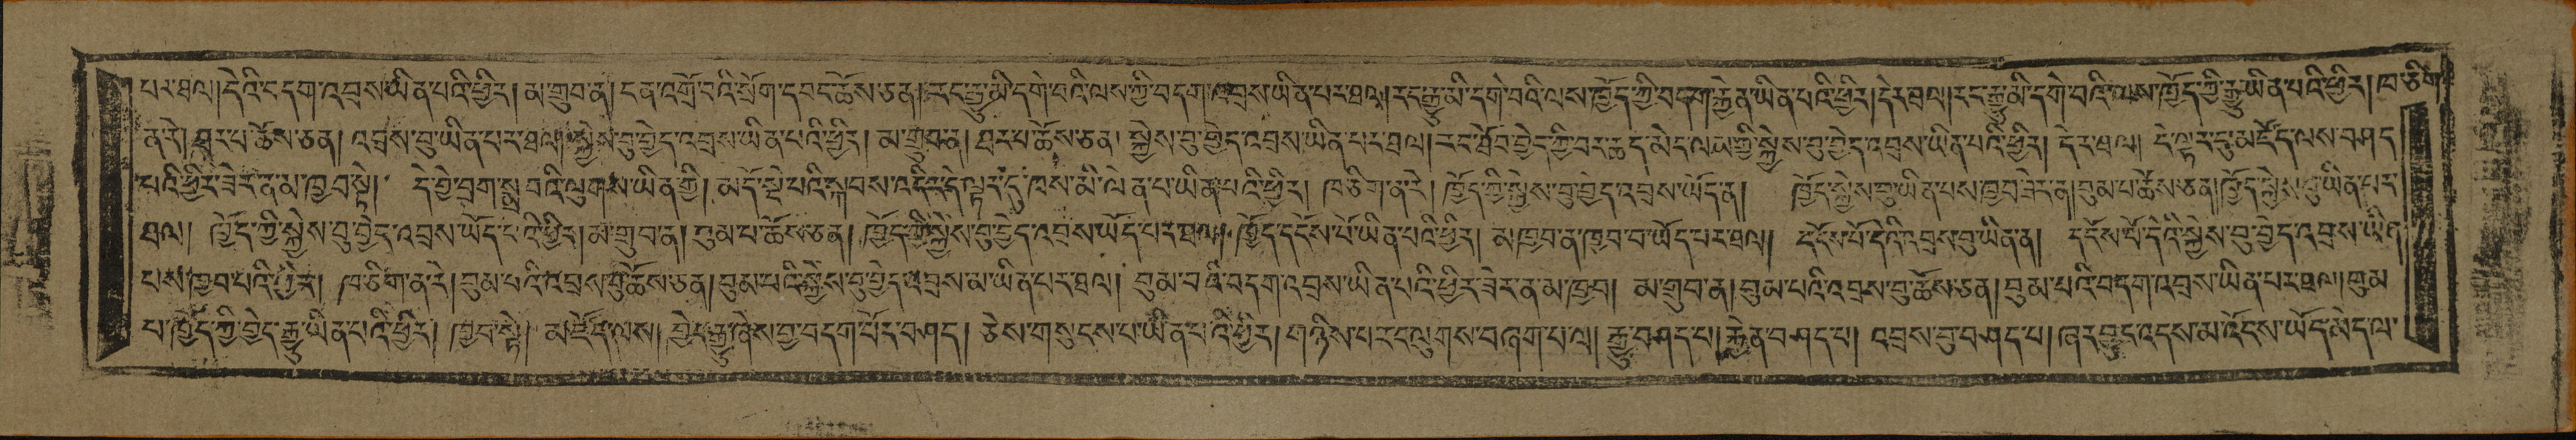པར་ཐལ། དེའི་བདག་འབྲས་ཡིན་པའི་ཕྱིར། མ་གྲུབ་ན། ངན་འགྲོ་བའི་སྲོག་དབང་ཆོས་ཅན། རང་རྒྱུ་མི་དགེ་བའི་ལས་ཀྱི་བདག་འབྲས་ཡིན་པར་ཐལ། རང་རྒྱུ་མི་དགེ་བའི་ལས་ཁྱོད་ཀྱི་བདག་རྐྱེན་ཡིན་པའི་ཕྱིར། དེར་ཐལ། རང་རྒྱུ་མི་དགེ་བའི་ལས་ཁྱོད་ཀྱི་རྒྱུ་ཡིན་པའི་ཕྱིར། ཁ་ཅིག་
ན་རེ། ཐར་པ་ཆོས་ཅན། འབྲས་བུ་ཡིན་པར་ཐལ། སྐྱེས་བུ་བྱེད་འབྲས་ཡིན་པའི་ཕྱིར། མ་གྲུབ་ན། ཐར་པ་ཆོས་ཅན། སྐྱེས་བུ་བྱེད་འབྲས་ཡིན་པར་ཐལ། རང་ཐོབ་བྱེད་ཀྱི་བར་ཆད་མེད་ལམ་གྱི་སྐྱེས་བུ་བྱེད་འབྲས་ཡིན་པའི་ཕྱིར། དེར་ཐལ། དེ་ལྟར་དུ་མཛོད་ལས་བཤད་
པའི་ཕྱིར་ཟེར་ན་མ་ཁྱབ་སྟེ། དེ་བྱེ་བྲག་སྨྲ་བའི་ལུགས་ཡིན་གྱི། མདོ་སྡེ་པའི་སྐབས་འདིར་དེ་ལྟར་དུ་ཁས་མི་ལེན་པ་ཡིན་པའི་ཕྱིར། ཁ་ཅིག་ན་རེ། ཁྱོད་ཀྱི་སྐྱེས་བུ་བྱེད་འབྲས་ཡོད་ན། ཁྱོད་སྐྱེས་བུ་ཡིན་པས་ཁྱབ་ཟེར་ན། བུམ་པ་ཆོས་ཅན། ཁྱོད་སྐྱེས་བུ་ཡིན་པར་
ཐལ། ཁྱོད་ཀྱི་སྐྱེས་བུ་བྱེད་འབྲས་ཡོད་པའི་ཕྱིར། མ་གྲུབ་ན། བུམ་པ་ཆོས་ཅན། ཁྱོད་ཀྱི་སྐྱེས་བུ་བྱེད་འབྲས་ཡོད་པར་ཐལ། ཁྱོད་དངོས་པོ་ཡིན་པའི་ཕྱིར། མ་ཁྱབ་ན་ཁྱབ་པ་ཡོད་པར་ཐལ། དངོས་པོ་དེའི་འབྲས་བུ་ཡིན་ན། དངོས་པོ་དེའི་སྐྱེས་བུ་བྱེད་འབྲས་ཡིན་
པས་ཁྱབ་པའི་ཕྱིར། ཁ་ཅིག་ན་རེ། བུམ་པའི་འབྲས་བུ་ཆོས་ཅན། བུམ་པའི་སྐྱེས་བུ་བྱེད་འབྲས་མ་ཡིན་པར་ཐལ། བུམ་པའི་བདག་འབྲས་ཡིན་པའི་ཕྱིར་ཟེར་ན་མ་ཁྱབ། མ་གྲུབ་ན། བུམ་པའི་འབྲས་བུ་ཆོས་ཅན། བུམ་པའི་བདག་འབྲས་ཡིན་པར་ཐལ། བུམ་
པ་ཁྱོད་ཀྱི་བྱེད་རྒྱུ་ཡིན་པའི་ཕྱིར། ཁྱབ་སྟེ། མཛོད་ལས། བྱེད་རྒྱུ་ཞེས་བྱ་བདག་པོར་བཤད། ཅེས་གསུངས་པ་ཡིན་པའི་ཕྱིར། གཉིས་པ་རང་ལུགས་བཞག་པ་ལ། རྒྱུ་བཤད་པ། རྐྱེན་བཤད་པ། འབྲས་བུ་བཤད་པ། ཞར་བྱུང་འདས་མ་འོངས་ཡོད་མེད་ལ་